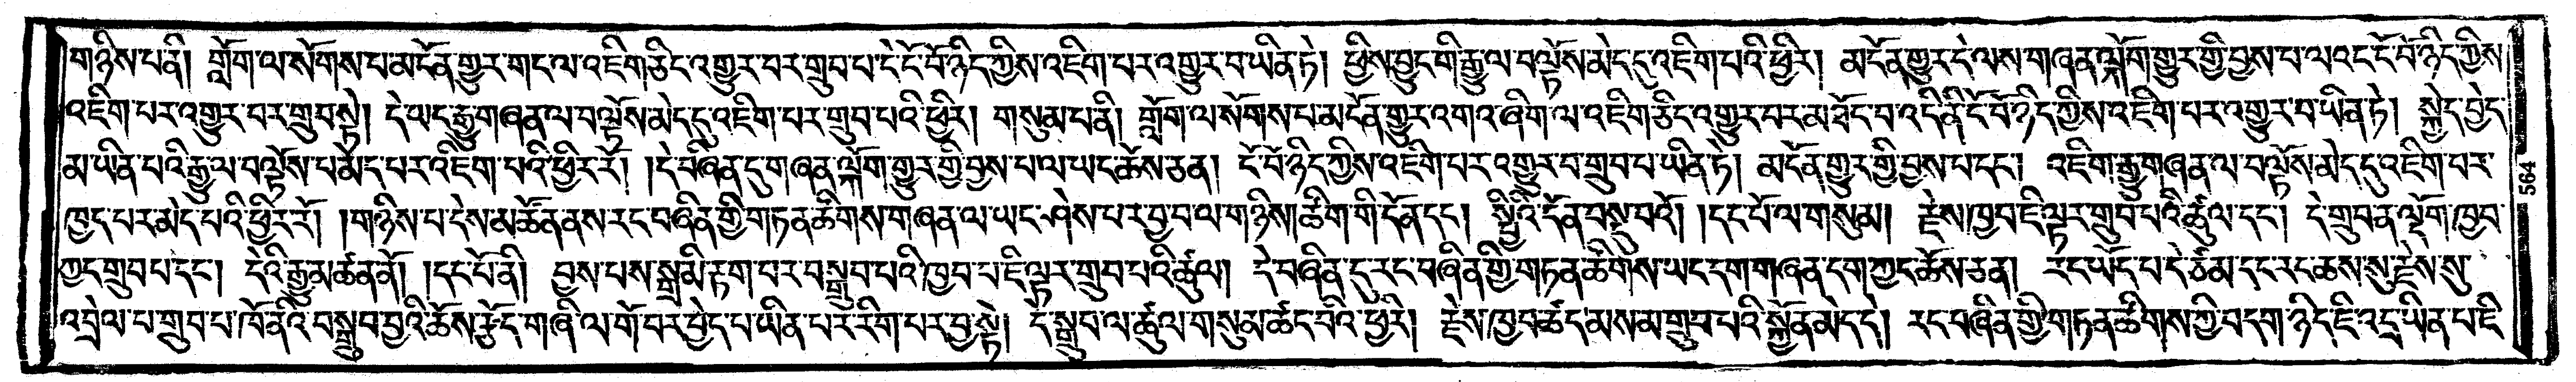གཉིས་པ་ནི། གློག་ལ་སོགས་པ་མངོན་གྱུར་གང་ལ་འཇིག་ཅིང་འགྱུར་བར་གྲུབ་པ་དེ་ངོ་བོ་ཉིད་ཀྱིས་འཇིག་པར་འགྱུར་བ་ཡིན་ཏེ། ཕྱིས་བྱུང་གི་རྒྱུ་ལ་བལྟོས་མེད་དུ་འཇིག་པའི་ཕྱིར། མངོན་གྱུར་དེ་ལས་གཞན་ལྐོག་གྱུར་གྱི་བྱས་པ་ལའང་ངོ་བོ་ཉིད་ཀྱིས་
འཇིག་པར་འགྱུར་བར་གྲུབ་སྟེ། དེ་ཡང་རྒྱུ་གཞན་ལ་བལྟོས་མེད་དུ་འཇིག་པར་གྲུབ་པའི་ཕྱིར། གསུམ་པ་ནི། གློག་ལ་སོགས་པ་མངོན་གྱུར་འགའ་ཞིག་ལ་འཇིག་ཅིང་འགྱུར་བར་མཐོང་བ་འདི་ནི་ངོ་བོ་ཉིད་ཀྱིས་འཇིག་པར་འགྱུར་བ་ཡིན་ཏེ། སྐྱེད་བྱེད་
མ་ཡིན་པའི་རྒྱུ་ལ་བལྟོས་པ་མེད་པར་འཇིག་པའི་ཕྱིར་རོ། །དེ་བཞིན་དུ་གཞན་ལྐོག་གྱུར་གྱི་བྱས་པ་ལ་ཡང་ཆོས་ཅན། ངོ་བོ་ཉིད་ཀྱིས་འཇིག་པར་འགྱུར་བ་གྲུབ་པ་ཡིན་ཏེ། མངོན་གྱུར་གྱི་བྱས་པ་དང་། འཇིག་རྒྱུ་གཞན་ལ་བལྟོས་མེད་དུ་འཇིག་པར་
ཁྱད་པར་མེད་པའི་ཕྱིར་རོ། །གཉིས་པ་དེས་མཚོན་ནས་རང་བཞིན་གྱི་གཏན་ཚིགས་གཞན་ལ་ཡང་ཤེས་པར་བྱ་བ་ལ་གཉིས། ཚིག་གི་དོན་དང་། སྤྱིའི་དོན་བསྡུ་བའོ། །དང་པོ་ལ་གསུམ། རྗེས་ཁྱབ་ཇི་ལྟར་གྲུབ་པའི་ཚུལ་དང་། དེ་གྲུབ་ན་ལྡོག་ཁྱབ་
ཀྱང་གྲུབ་པ་དང་། དེའི་རྒྱུ་མཚན་ནོ། །དང་པོ་ནི། བྱས་པས་སྒྲ་མི་རྟག་པར་བསྒྲུབ་པའི་ཁྱབ་པ་ཇི་ལྟར་གྲུབ་པའི་ཚུལ། དེ་བཞིན་དུ་རང་བཞིན་གྱི་གཏན་ཚིགས་ཡང་དག་གཞན་དག་ཀྱང་ཆོས་ཅན། རང་ཡོད་པ་དེ་ཙམ་དང་རང་ཆས་སུ་རྗེས་སུ་
འབྲེལ་པ་གྲུབ་པ་ཁོ་ནའི་བསྒྲུབ་བྱའི་ཆོས་རྩོད་གཞི་ལ་གོ་བར་བྱེད་པ་ཡིན་པར་རིག་པར་བྱ་སྟེ། དེ་སྒྲུབ་ལ་ཚུལ་གསུམ་ཚང་བའི་ཕྱིར། རྗེས་ཁྱབ་ཚད་མས་མ་གྲུབ་པའི་སྐྱོན་མེད་དེ། རང་བཞིན་གྱི་གཏན་ཚིགས་ཀྱི་བདག་ཉིད་ཇི་འདྲ་ཡིན་པ་ཇི་